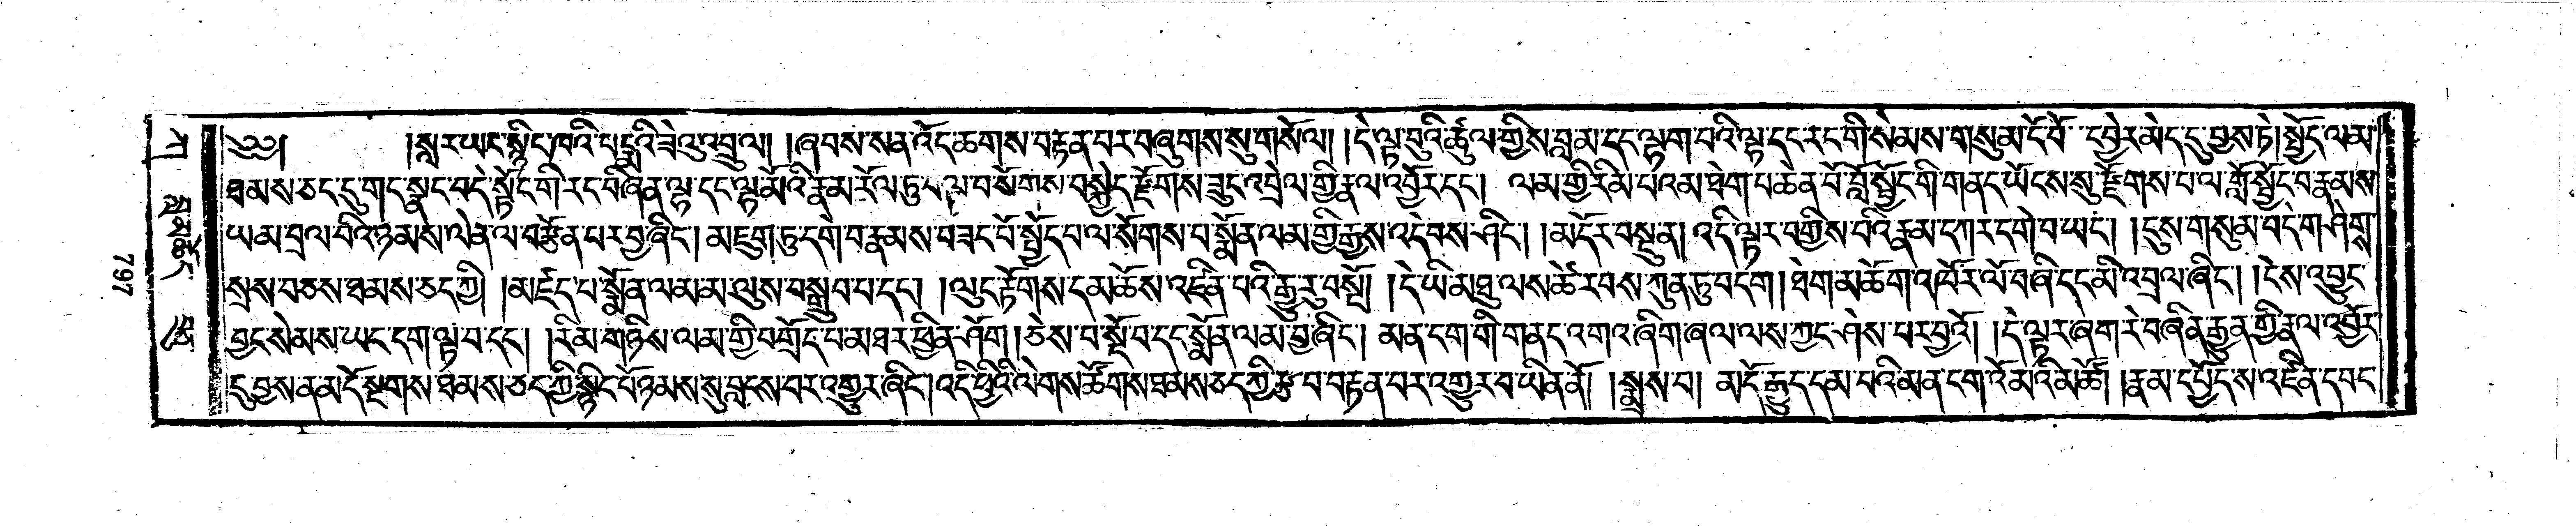༄༅། །སླར་ཡང་སྙིང་ཁའི་པདམའི་ཟེའུ་འབྲུ་ལ། །ཞབས་སེན་འོད་ཆགས་བརྟན་པར་བཞུགས་སུ་གསོལ། །དེ་ལྟ་བུའི་ཚུལ་གྱིས་བླ་མ་དང་ལྷག་པའི་ལྷ་དང་རང་གི་སེམས་གསུམ་ངོ་བོ་དབྱེར་མེད་དུ་བྱས་ཏེ། སྤྱོད་ལམ་
ཐམས་ཅད་དུ་གང་སྣང་བདེ་སྟོང་གི་རང་བཞིན་ལྷ་དང་ལྷ་མོའི་རྣམ་རོལ་ཏུ་བལྟ་བ་སོགས་བསྐྱེད་རྫོགས་ཟུང་འབྲེལ་གྱི་རྣལ་འབྱོར་དང་། ལམ་གྱི་རིམ་པའམ་ཐེག་པ་ཆེན་པོ་བློ་སྦྱོང་གི་གནད་ཡོངས་སུ་རྫོགས་པ་ལ་བློ་སྦྱོང་བ་རྣམས་
ཡ་མ་བྲལ་བའི་ཉམས་ལེན་ལ་བརྩོན་པར་བྱ་ཞིང་། མཇུག་ཏུ་དགེ་བ་རྣམས་བཟང་པོ་སྤྱོད་པ་ལ་སོགས་པ་སྨོན་ལམ་གྱི་རྒྱས་འདེབས་ཤིང་། །མདོར་བསྡུ་ན། འདི་ལྟར་བགྱིས་པའི་རྣམ་དཀར་དགེ་བ་ཡང་། །དུས་གསུམ་བདེ་གཤེགས་
སྲས་བཅས་ཐམས་ཅད་ཀྱི། །མཛད་པ་སྨོན་ལམ་མ་ལུས་བསྒྲུབ་པ་དང་། །ལུང་རྟོགས་དམ་ཆོས་འཛིན་པའི་རྒྱུ་རུ་བསྔོ། །དེ་ཡི་མཐུ་ལས་ཚེ་རབས་ཀུན་ཏུ་བདག །ཐེག་མཆོག་འཁོར་ལོ་བཞི་དང་མི་འབྲལ་ཞིང་། །ངེས་འབྱུང་
བྱང་སེམས་ཡང་དག་ལྟ་བ་དང་། །རིམ་གཉིས་ལམ་གྱི་བགྲོད་པ་མཐར་ཕྱིན་ཤོག །ཅེས་བ་སྔོ་བ་དང་སྨོན་ལམ་བྱ་ཞིང་། མན་ངག་གི་གནད་འགའ་ཞིག་ཞལ་ལས་ཀྱང་ཤེས་པར་བྱའོ། །དེ་ལྟར་ཞག་རེ་བཞིན་རྒྱུན་གྱི་རྣལ་འབྱོར་
དུ་བྱས་ན་མདོ་སྔགས་ཐམས་ཅད་ཀྱི་སྙིང་པོ་ཉམས་སུ་བླངས་པར་འགྱུར་ཞིང་། འདི་ཕྱིའི་ལེགས་ཚོགས་ཐམས་ཅད་ཀྱི་རྩ་བ་བརྟན་པར་འགྱུར་བ་ཡིན་ནོ། །སྨྲས་པ། མདོ་རྒྱུད་དམ་པའི་མན་ངག་འོ་མའི་མཚོ། །རྣམ་དཔྱོད་ས་འཛིན་དབང་